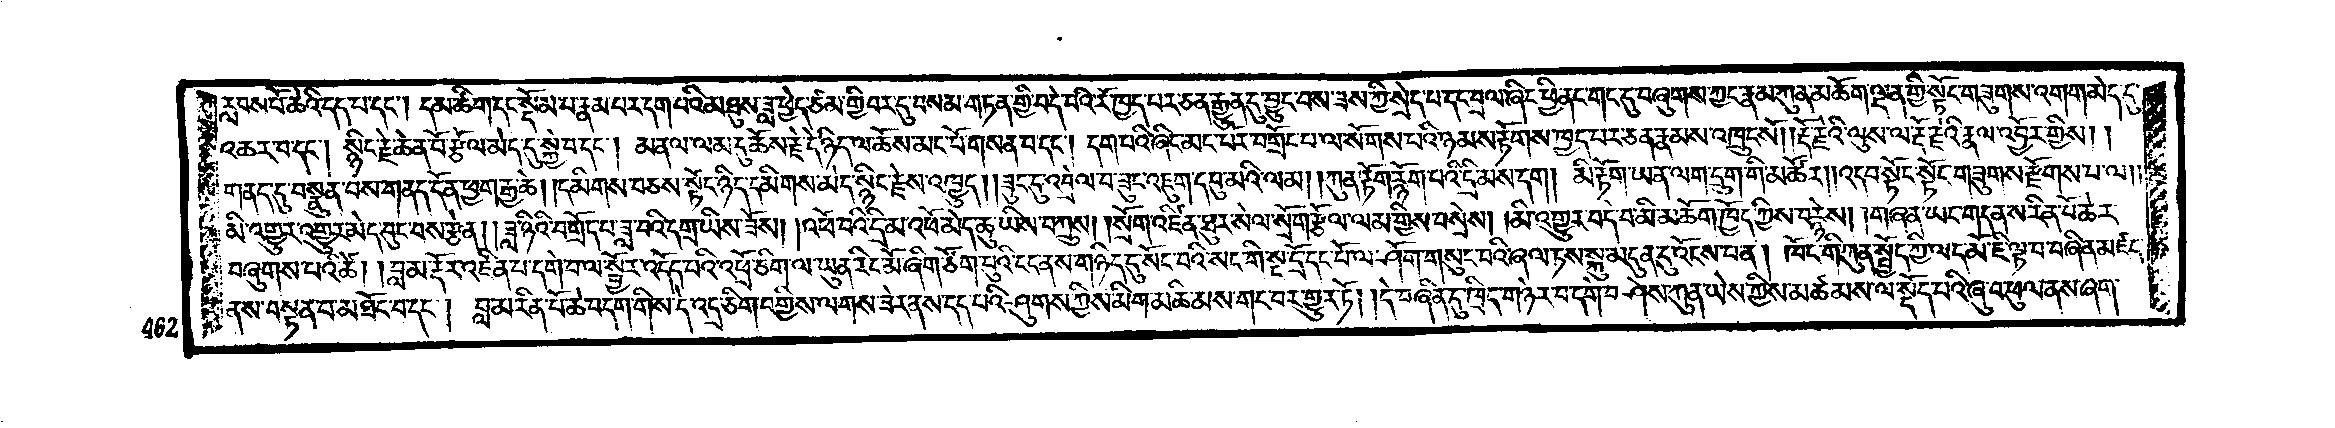རླབས་པོ་ཆེའི་དད་པ་དང་། དམ་ཚིག་དང་སྡོམ་པ་རྣམ་པར་དག་པའི་མཐུས་ཟླ་ཕྱེད་ཙམ་གྱི་བར་དུ་བསམ་གཏན་གྱི་བདེ་བའི་རོ་ཁྱད་པར་ཅན་རྒྱུན་དུ་བྱུང་བས་ཟས་ཀྱི་སྲེད་པ་དང་བྲལ་ཞིང་ཕྱི་ནང་གང་དུ་བཞུགས་ཀྱང་རྣམ་ཀུན་མཆོག་ལྡན་གྱི་སྟོང་གཟུགས་འགག་མེད་དུ་
འཆར་བ་དང་། སྙིང་རྗེ་ཆེན་པོ་རྩོལ་མེད་དུ་སྐྱེ་བ་དང་། མནལ་ལམ་དུ་ཆོས་རྗེ་དེ་ཉིད་ལ་ཆོས་མང་པོ་གསན་བ་དང་། དག་པའི་ཞིང་མང་པོར་བགྲོད་པ་ལ་སོགས་པའི་ཉམས་རྟོགས་ཁྱད་པར་ཅན་རྣམས་འཁྲུངས་སོ། །རྡོ་རྗེའི་ལུས་ལ་རྡོ་རྗེའི་རྣལ་འབྱོར་གྱིས། །
གནད་དུ་བསྣུན་པས་གནད་དོན་ཕྱག་རྒྱ་ཆེ། །དམིགས་བཅས་སྟོང་ཉིད་དམིགས་མེད་སྙིང་རྗེས་འཁྱུད། །ཟུང་དུ་འབྲེལ་བ་ཟུང་འཇུག་དབུ་མའི་ལམ། །ཀུན་རྟོག་རྙོག་པའི་དྲི་མས་དག། མི་རྟོག་ཡན་ལག་དྲུག་གི་མཚོར། །འདབ་སྟོང་སྟོང་གཟུགས་རྫོགས་པ་ལ། །
མི་འགྱུར་འགྱུར་མེད་བུང་བས་རྩེན། །ཟླ་ཉིའི་བགྲོད་པ་ཟླ་བའི་དགྲ་ཡིས་ཟོས། །འཕོ་བའི་དྲི་མ་འཕོ་མེད་ཆུ་ཡིས་བཀྲུས། །སྲོག་འཛིན་ཐུར་སེལ་སྲོག་རྩོལ་ལམ་གྱིས་བསྲེས། །མི་འགྱུར་བདེ་བ་མི་མཆོག་ཁྱོད་ཀྱིས་བརྙེས། །གཞན་ཡང་གདན་ས་རིན་པོ་ཆེར་
བཞུགས་པའི་ཚེ། །བླ་མ་རྣོར་འཛིན་པ་དགེ་བ་ལ་སྦྱོར་འདོད་པའི་འཕྲོ་ཅིག་ལ་ཡུན་རིང་མོ་ཞིག་ཙོག་པུའི་ངང་ནས་གཉིད་དུ་སོང་བའི་སང་གི་སྔ་དྲོ་དང་པོ་ལ་ཤོག་གསུང་བའི་ཞལ་ཏས་སྐུ་མདུན་དུ་འོངས་པ་ན། ཁོང་གི་ཀུན་སྤྱོད་ཀྱི་ལད་མོ་ཇི་ལྟ་བ་བཞིན་མཛད་
ནས་བསྟན་པ་མཐོང་བ་དང་། བླ་མ་རིན་པོ་ཆེ་བདག་གིས་དེ་འདྲ་ཅིག་བགྱིས་ལགས་ཟེར་ནས་དད་པའི་ཤུགས་ཀྱིས་མིག་མཆི་མས་གང་བར་གྱུར་ཏོ། །དེ་བཞིན་དུ་ཁྲིད་གཉེར་བ་དགེ་བཤེས་ཀུན་ཡེས་ཀྱིས་མཚམས་ལ་སྡོད་པའི་ཞུ་བ་ཕུལ་ནས་ཞག་